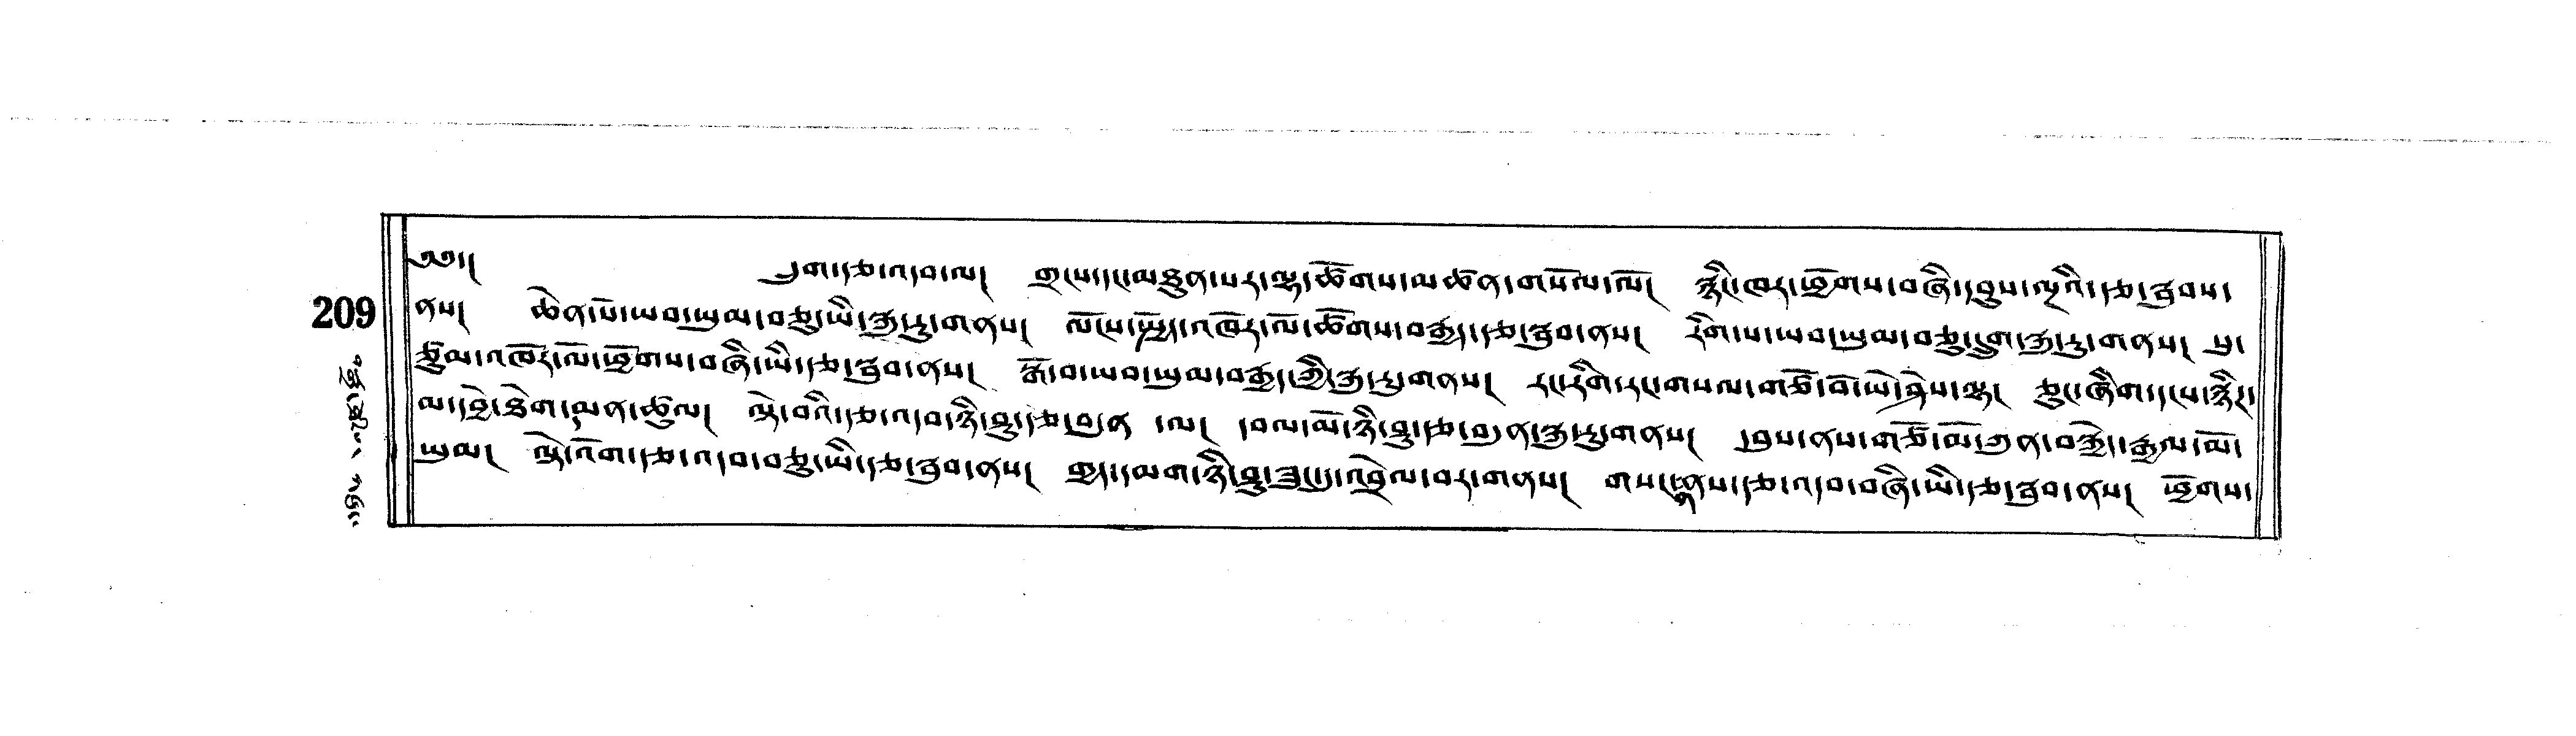དྲུག་རྩ་འདབ་ལ། གྲངས་དང་མཐུན་པར་ལྷ་ཚོགས་མཚན་གསོལ་ལོ། སྙིང་ཁར་ཕྱོགས་བཞི་དབུས་ལྔའི་རྩ་སྦུབས་
ནས། ཆེན་པོ་ཡབ་ཡུམ་བཅུ་ཡི་སྐུ་རུ་གནས། ལོངས་སྤྱོད་འཁོར་ལོ་ཚོགས་བརྒྱད་རྩ་སྦུབས་ནས། རིག་པ་ཡབ་ཡུམ་བཅུ་དྲུག་སྐུ་རུ་གནས། པུ་
ཙམ་འཁོར་ལོ་ཕྱོགས་བཞི་རྩ་སྦུབས་ནས། སྒོ་བ་ཡབ་ཡུམ་བརྒྱད་ཀྱི་སྐུ་རུ་གནས། རང་རིག་རང་གསལ་གཙོ་བོ་ཡེ་ཤེས་ལྷ། ཅུང་ཞིག་དྭངས་སྙིགས་
མ་དབྱེ་ཐེག་དམན་ཚུལ། ལྟེ་བའི་རྩ་འདབ་ཉི་ཤུ་རྩ་བདུན་ལ། དབལ་མོ་ཉི་ཤུ་རྩ་བདུན་སྐུ་རུ་གནས། དབུས་ནས་གཙོ་མོ་ཀུན་བསྐྱེད་རྒྱལ་མོ་
ཡུམ། ལྟེ་འོག་རྩ་འདབ་བཅུ་ཡི་རྩ་སྦུབས་ནས། གྱད་དམག་ཉི་ཤུ་ཟུང་དུ་འབྲེལ་བར་གནས། གསང་གནས་རྩ་འདབ་བཞི་ཡི་རྩ་སྦུབས་ནས། ཕྱོགས་